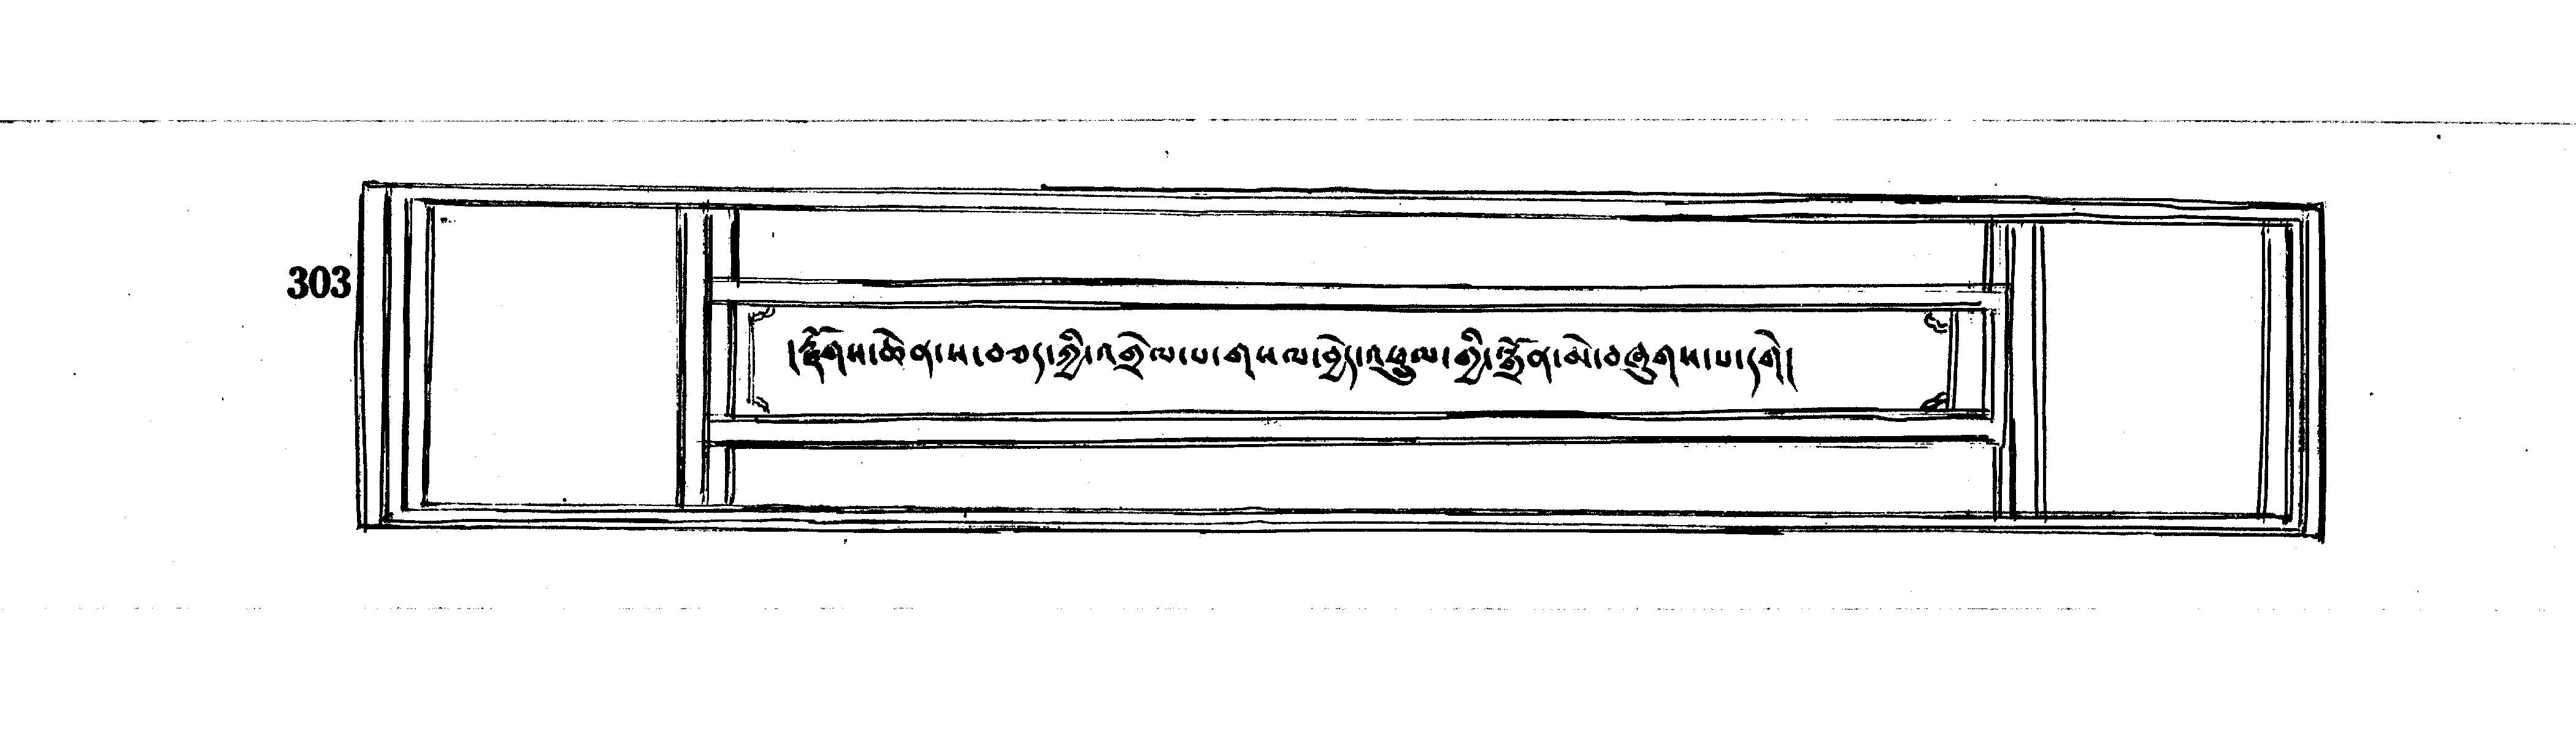༄༅ ། །རྫོགས་ཆེན་ས་བཅད་ཀྱི་འགྲེལ་བ་འཕྲུལ་གྱི་སྒྲོན་མེ་་བཞུགས་པ་དགེ །